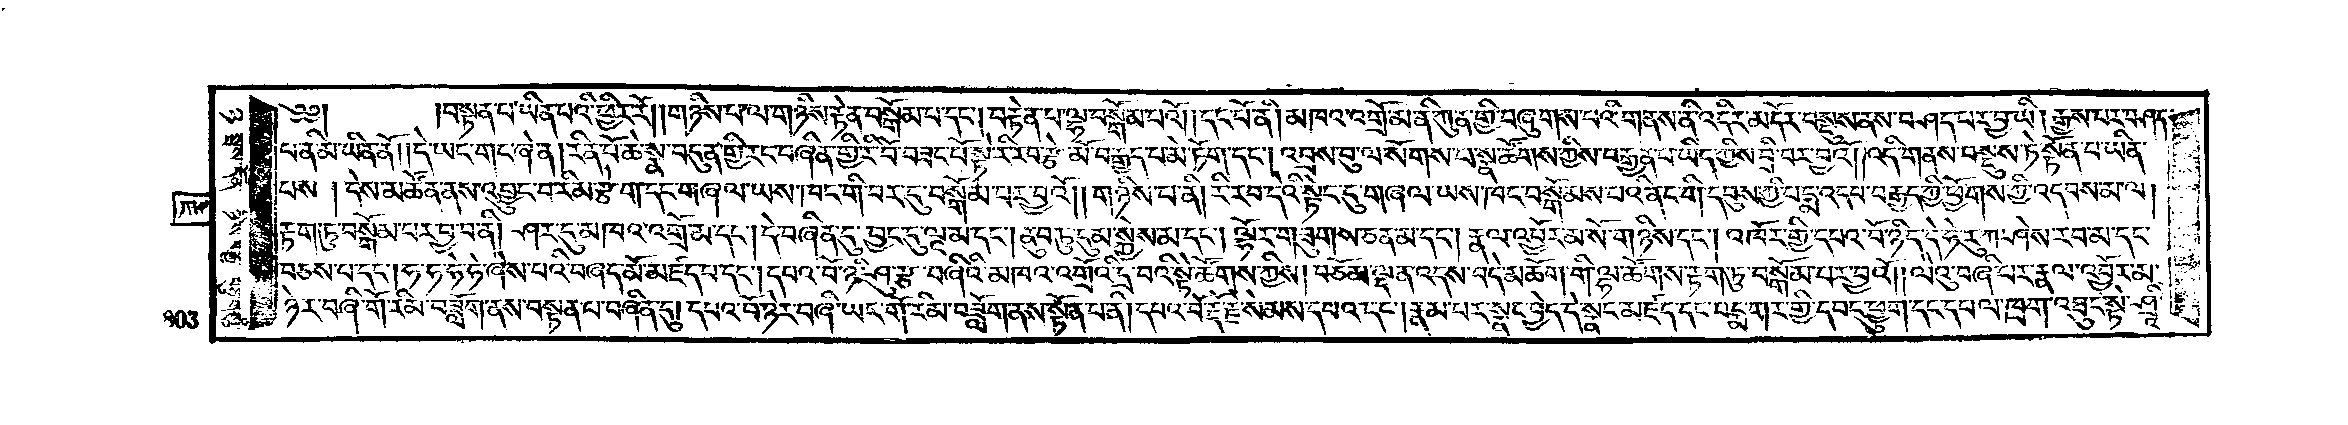༄༅། །བསྟན་པ་ཡིན་པའི་ཕྱིར་རོ། །གཉིས་པ་ལ་གཉིས་རྟེན་བསྒོམ་པ་དང་། བརྟེན་པ་ལྷ་བསྒོམ་པའོ། །དང་པོ་ནི། མཁའ་འགྲོ་མ་ནི་ཀུན་གྱི་བཞུགས་པའི་གནས་ནི་འདིར་མདོར་བསྡུས་ནས་བཤད་པར་བྱ་ཡི། རྒྱས་པར་བཤད་
པ་ནི་མ་ཡིན་ནོ། །དེ་ཡང་གང་ཞེ་ན། རིན་པོ་ཆེ་སྣ་བདུན་གྱི་རང་བཞིན་གྱི་རི་བོ་བཟང་པོ་སྟེ་རི་རབ་རྩེ་མོ་བརྒྱད་པ་མེ་ཏོག་དང་། འབྲས་བུ་ལ་སོགས་པ་སྣ་ཚོགས་ཀྱིས་བརྒྱན་པ་ཡིད་ཀྱིས་བྲི་བར་བྱའོ། །འདི་གནས་བསྡུས་ཏེ་སྟོན་པ་ཡིན་
པས། དེས་མཚོན་ནས་འབྱུང་བ་རིམ་རྩེ་ག་དང་གཞལ་ཡས་ཁང་གི་བར་དུ་བསྒོམ་པར་བྱའོ། །གཉིས་པ་ནི། རི་རབ་དེའི་སྟེང་དུ་གཞལ་ཡས་ཁང་བསྒོམས་པའི་ནང་གི་དབུས་ཀྱི་པདམ་འདབ་བརྒྱད་ཀྱི་ཕྱོགས་ཀྱི་འདབས་མ་ལ།
རྟག་ཏུ་བསྒོམ་པར་བྱ་བ་ནི། ཤར་དུ་མཁའ་འགྲོ་མ་དང་། དེ་བཞིན་དུ་བྱང་དུ་ལྔ་མ་དང་། ནུབ་ཏུ་དུམ་སྐྱེས་མ་དང་། ལྷོར་གཟུགས་ཅན་མ་དང་། རྣལ་འབྱོར་མ་སོ་གཉིས་དང་། འཁོར་གྱི་དཔའ་བོ་ཉིད་དེ་ཧེ་རུ་ཀ་ཤེས་རབ་མ་དང་
བཅས་པ་དང་། ཧ་ཧ་ཧེ་ཧེ་ཞེས་པའི་བཞད་མོ་མཛད་པ་དང་། དཔའ་བོ་ཉི་ཤུ་རྩ་བཞིའི་མཁའ་འགྲོའི་དྲི་བའི་སྟེ་ཚོགས་ཀྱིས། བཅོམ་ལྡན་འདས་བདེ་མཆོག་གི་ལྷ་ཚོགས་རྟག་ཏུ་བསྒོམ་པར་བྱའོ། །ལེའུ་བཞི་པར་རྣལ་འབྱོར་མ་
ཉེར་བཞི་གོ་རིམ་བཟློག་ནས་བསྟན་པ་བཞིན་དུ། དཔའ་བོ་ཉེར་བཞི་ཡང་གོ་རིམ་བཟློག་ནས་སྟོན་པ་ནི། དཔའ་བོ་རྡོ་རྗེ་སེམས་དཔའ་དང་། རྣམ་པར་སྣང་བྱེད་དེ་སྣང་མཛད་དང་པདམ་གར་གྱི་དབང་ཕྱུག་དང་དཔལ་ཁྲག་འཐུང་སྟེ་ཤྲཱི་